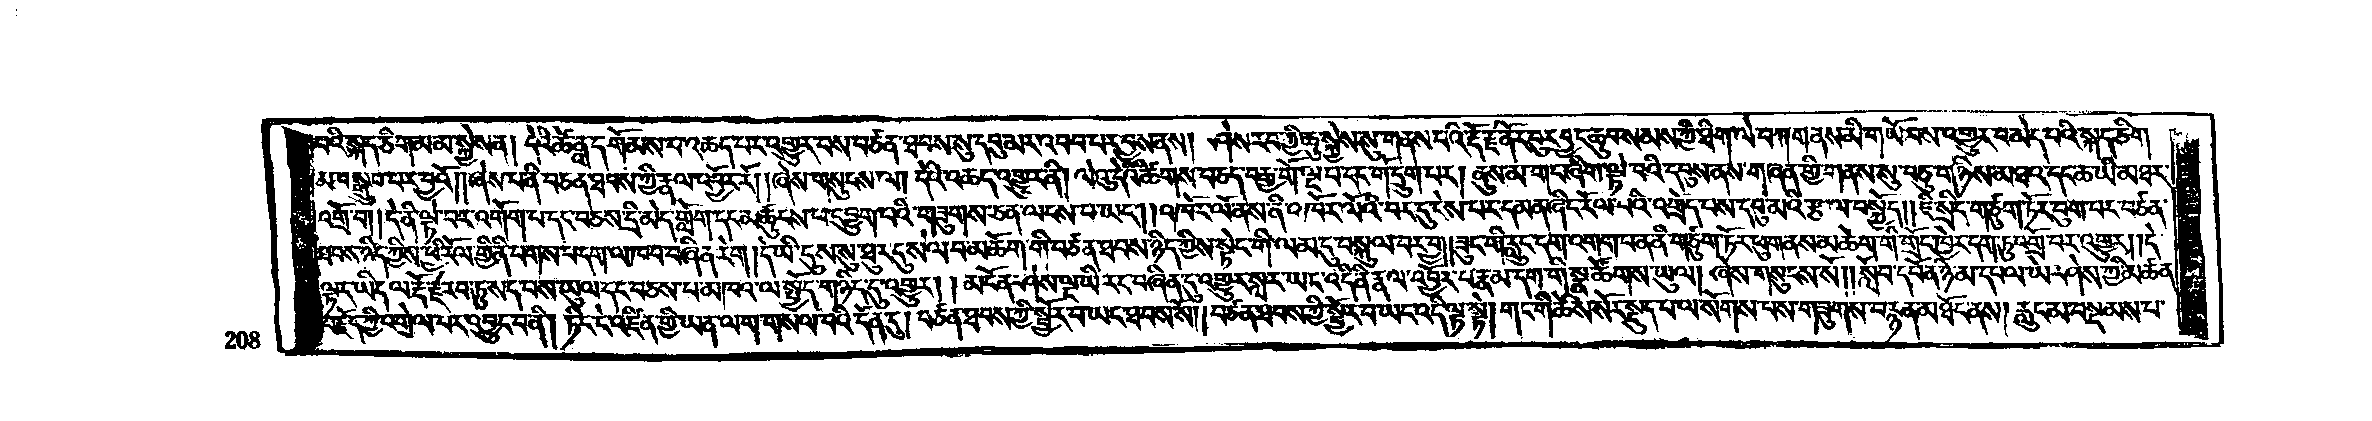པའི་སྐད་ཅིག་མ་མ་སྐྱེས་ན། དེའི་ཚེ་ནཱ་ད་གོམས་པ་འཆད་པར་འགྱུར་བས་བཙན་ཐབས་སུ་དབུ་མར་འབབ་པར་བྱས་ནས། ཤེས་རབ་ཀྱི་ཆུ་སྐྱེས་སུ་གནས་པའི་རྡོ་རྗེ་ནོར་བུར་བྱང་ཆུབ་སེམས་ཀྱི་ཐིག་ལེ་བཀག་ནས་མི་གཡོ་བས་འགྱུར་བ་མེད་པའི་སྐད་ཅིག་
མ་བསྒྲུབ་པར་བྱའོ། །ཞེས་པ་ནི་བཅན་ཐབས་ཀྱི་རྣལ་འབྱོར་རོ། །ཞེས་གསུངས་ལ། དེའི་འཆད་འགྱུར་ནི། ལེའུ་དེའི་ཚིགས་བཅད་བརྒྱ་གོ་ལྔ་པ་དང་གོ་དྲུག་པར། ནུས་མ་གང་ཞིག་ལྟེ་བའི་དབུས་ནས་གཞན་གྱི་གནས་སུ་བཅུ་གཉིས་མཐའ་དང་ཆ་ཡི་མཐར་
འགྲོ་བ། །དེ་ནི་ལྟེ་བར་འགོག་པ་དང་བཅས་དྲི་མེད་གློག་དང་མཚུངས་པ་དབྱུག་པའི་གཟུགས་ཅན་ལངས་པ་ཡང་། །འཁོར་ལོ་ནས་ནི་འཁོར་ལོའི་བར་དུ་ངེས་པར་དམན་ཞིང་རོལ་པའི་འགྲོད་པས་དབུ་མའི་རྩ་ལ་བསྐྱོད། །ཇི་སྲིད་གཙུག་ཏོར་བུག་པར་བཙན་
ཐབས་ཉིད་ཀྱིས་ཕྱི་རོལ་གྱི་ནི་པགས་པ་དག་ལ་ཁབ་བཞིན་རེག །དེ་ཡི་དུས་སུ་ཐུར་དུ་སེལ་བ་མཆོག་གི་བཙན་ཐབས་ཉིད་ཀྱིས་སྟེང་གི་ལམ་དུ་བསྐུལ་བར་བྱ། །ཟུང་གི་རླུང་དག་འགག་པ་ན་ནི་གཙུག་ཏོར་ཕུག་ནས་མཆོག་གི་གྲོང་ཁྱེར་དག་ཏུ་འགྲོ་བར་འགྱུར། །དེ་
ལྟར་ཡིད་ལ་རྡོ་རྗེ་རབ་ཏུ་སད་པས་ཡུལ་དང་བཅས་པ་མཁའ་ལ་སྤྱོད་གཉིད་དུ་འགྱུར། །མངོན་ཤེས་ལྔ་ཡི་རང་བཞིན་དུ་འགྱུར་སླར་ཡང་འདི་ནི་རྣལ་འབྱོར་པ་རྣམ་དག་གི་སྣ་ཚོགས་ཡུལ། ཞེས་གསུངས་སོ། །སློབ་དཔོན་ཉི་མ་དཔལ་ཡེ་ཤེས་ཀྱི་མཚན་
བརྗོད་ཀྱི་འགྲེལ་པར་འབྱུང་བ་ནི། ཏིང་ངེ་འཛིན་གྱི་ཡན་ལག་གསལ་བའི་དོན་དུ། བཙན་ཐབས་ཀྱི་སྦྱོར་བ་ཡང་ཐབས་སོ། །བཙན་ཐབས་ཀྱི་སྦྱོར་བ་ཡང་འདི་ལྟ་སྟེ། གང་གི་ཚེ་སོ་སོར་སྡུད་པ་ལ་སོགས་པས་གཟུགས་བརྙན་མཐོང་ནས། རླུང་མ་བསྡམས་པ་